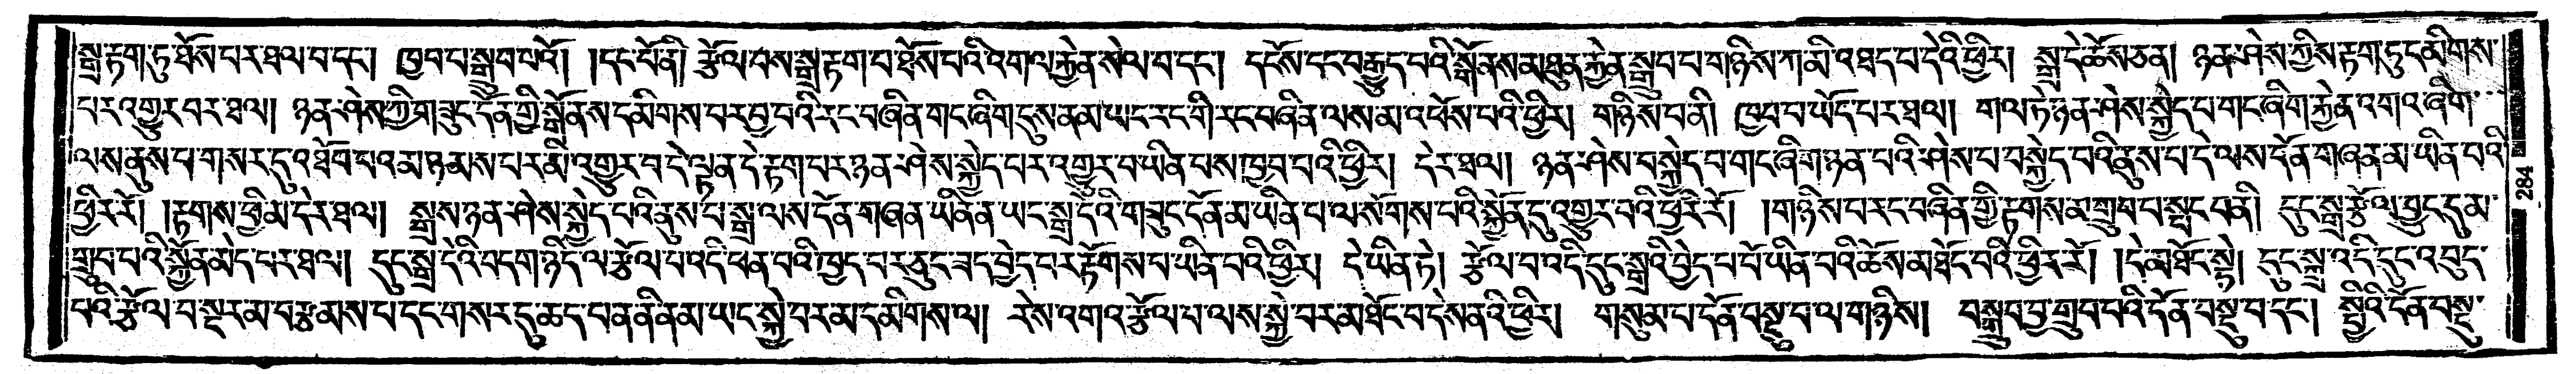སྒྲ་རྟག་ཏུ་ཐོས་པར་ཐལ་བ་དང་། ཁྱབ་པ་སྒྲུབ་པའོ། །དང་པོ་ནི། རྩོལ་བས་སྒྲ་རྟག་པ་ཐོས་པའི་འགལ་རྐྱེན་སེལ་བ་དང་། དངོས་དང་བརྒྱུད་པའི་སྒོ་ནས་མཐུན་རྐྱེན་སྒྲུབ་པ་གཉིས་པ་གཉིས་ཀ་མི་འཐད་པ་དེའི་ཕྱིར། སྒྲ་དེ་ཆོས་ཅན། ཉན་ཤེས་ཀྱིས་རྟག་ཏུ་དམིགས་
པར་འགྱུར་བར་ཐལ། ཉན་ཤེས་ཀྱི་གཟུང་དོན་གྱི་སྒོ་ནས་དམིགས་པར་བྱ་བའི་རང་བཞིན་གང་ཞིག་དུས་ནམ་ཡང་རང་གི་རང་བཞིན་ལས་མ་འཕོས་པའི་ཕྱིར། གཉིས་པ་ནི། ཁྱབ་པ་ཡོད་པར་ཐལ། གལ་ཏེ་ཉན་ཤེས་སྐྱེད་པ་གང་ཞིག་རྐྱེན་འགའ་ཞིག་
ལས་ནུས་པ་གསར་དུ་འཐོབ་པའམ་ཉམས་པར་མི་འགྱུར་བ་དེ་ལྟ་ན་དེ་རྟག་པར་ཉན་ཤེས་སྐྱེད་པར་འགྱུར་བ་ཡིན་པས་ཁྱབ་པའི་ཕྱིར། དེར་ཐལ། ཉན་ཤེས་བསྐྱེད་པ་གང་ཞིག་ཉན་པའི་ཤེས་པ་བསྐྱེད་པའི་ནུས་པ་དེ་ལས་དོན་གཞན་མ་ཡིན་པའི་
ཕྱིར་རོ། །རྟགས་ཕྱི་མ་དེར་ཐལ། སྒྲས་ཉན་ཤེས་སྐྱེད་པའི་ནུས་པ་སྒྲ་ལས་དོན་གཞན་ཡིན་ན་ཡང་སྒྲ་དེའི་གཟུང་དོན་མ་ཡིན་པ་ལ་སོགས་པའི་སྐྱོན་དུ་འགྱུར་བའི་ཕྱིར་རོ། །གཉིས་པ་རང་བཞིན་གྱི་རྟགས་མ་གྲུབ་པ་སྤང་པ་ནི། དུང་སྒྲ་རྩོལ་བྱུང་དུ་མ་
གྲུབ་པའི་སྐྱོན་མེད་པར་ཐལ། དུང་སྒྲ་དེའི་བདག་ཉིད་ལ་རྩོལ་བ་འདི་ཕན་པའི་ཁྱད་པར་ཅུང་ཟད་བྱེད་པར་རྟོགས་པ་ཡིན་པའི་ཕྱིར། དེ་ཡིན་ཏེ། རྩོལ་བ་འདི་དུང་སྒྲའི་བྱེད་པ་པོ་ཡིན་པའི་ཆོས་མཐོང་བའི་ཕྱིར་རོ། །དེ་མཐོང་སྟེ། དུང་སྒྲ་འདི་དུང་འབུད་
པའི་རྩོལ་བ་སྔར་མ་བརྩམས་པ་དང་གསར་དུ་ཆད་པ་ན་ནི་ནམ་ཡང་སྐྱེ་བར་མ་དམིགས་ལ། རེས་འགའ་རྩོལ་བ་ལས་སྐྱེ་བར་མཐོང་བ་དེས་ནའི་ཕྱིར། གསུམ་པ་དོན་བསྡུ་བ་ལ་གཉིས། བསྒྲུབ་བྱ་གྲུབ་པའི་དོན་བསྡུ་བ་དང་། སྤྱིའི་དོན་བསྡུ་